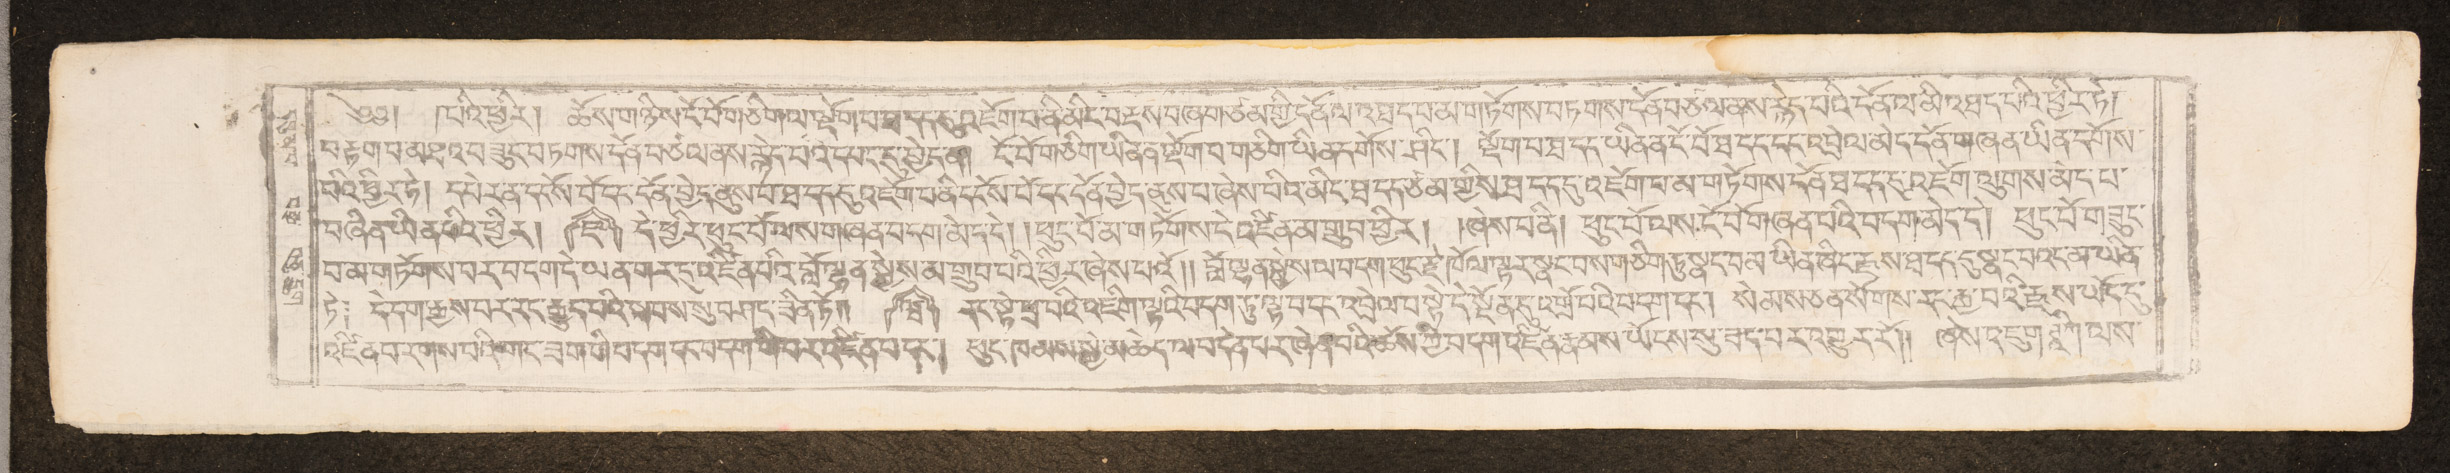༄༅། །པའི་ཕྱིར། ཆོས་གཉིས་ངོ་བོ་གཅིག་ལ་ལྡོག་པ་ཐ་དད་དུ་འཇོག་པ་ནི་མིང་བརྔས་བཞག་ཙམ་གྱི་དོན་ལ་འཐད་པ་མ་གཏོགས་བཏགས་དོན་བཙལ་ནས་རྙེད་པའི་དོན་ལ་མི་འཐད་པའི་ཕྱིར་ཏེ།
བརྟག་པ་མཐའ་བཟུང་བཏགས་དོན་བཙལ་ནས་རྙེད་པའི་དབང་དུ་བྱེད་ན། ངོ་བོ་གཅིག་ཡིན་ན་ལྡོག་པ་གཅིག་ཡིན་དགོས་ཤིང་། ལྡོག་པ་ཐ་དད་ཡིན་ན་ངོ་བོ་ཐ་དད་དང་འབྲེལ་མེད་དོན་གཞན་ཡིན་དགོས་
པའི་ཕྱིར་ཏེ། དཔེར་ན་དངོས་པོ་དང་དོན་བྱེད་ནུས་པ་ཐ་དད་དུ་འཇོག་པ་ནི་དངོས་པོ་དང་དོན་བྱེད་ནུས་པ་ཞེས་པའི་མིང་ཐ་དད་ཙམ་གྱིས་ཐ་དད་དུ་འཇོག་པ་མ་གཏོགས་དོན་ཐ་དད་དུ་འཇོག་ལུགས་མེད་པ་
བཞིན་ཡིན་པའི་ཕྱིར། ༼༽ཛ༼༽ དེ་ཕྱིར་ཕུང་པོ་ལས་གཞན་བདག་མེད་དེ། །ཕུང་པོ་མ་གཏོགས་དེ་འཛིན་མ་གྲུབ་ཕྱིར། །ཞེས་པ་ནི། ཕུང་པོ་ལས་ངོ་བོ་གཞན་པའི་བདག་མེད་དེ། ཕུང་པོ་གཟུང་
བ་མ་གཏོགས་པར་བདག་དེ་ཡང་གར་དུ་འཛིན་པའི་བློ་ལྷན་སྐྱེས་མ་གྲུབ་པའི་ཕྱིར་ཞེས་པའོ། །བློ་ལྷན་སྐྱེས་ལ་བདག་ཕུང་རྗེ་ཁོལ་ལྟར་སྣང་བས་གཅིག་ཏུ་སྣང་བ་མ་ཡིན་ཞིང་རྫས་ཐ་དད་དུ་སྣང་བའང་མ་ཡིན་
ཏེ༑ དེ་དག་རྒྱས་པར་རང་རྒྱུད་པའི་སྐབས་སུ་བཤད་ཟིན་ཏོ།། ༼༽ཝ༼༽ རང་སྟེ་ཕྲ་བའི་འཇིག་ལྟའི་བདག་ཏུ་ལྟ་བ་དང་འབྲེལ་བ་སྟེ་དེ་སྔོན་དུ་འགྲོ་མའི་བདག་དང་། སེམས་ཅན་སོགས་རང་རྒྱ་བའི་རྫས་ཡོད་དུ་
འཛིན་པ་རགས་པའི་གང་ཟག་གི་བདག་དང་བདག་གི་བར་འཛིན་པ་དང་། ཕུང་ཁམས་སྐྱེ་མཆེད་ལ་བདེན་པར་ཞེན་པའི་ཆོས་ཀྱི་བདག་འཛིན་རྣམས་ཡོངས་སུ་ཟད་པར་འགྱུར་རོ།། ཞེས་འཇུག་ཊཱིཀ་ལས་